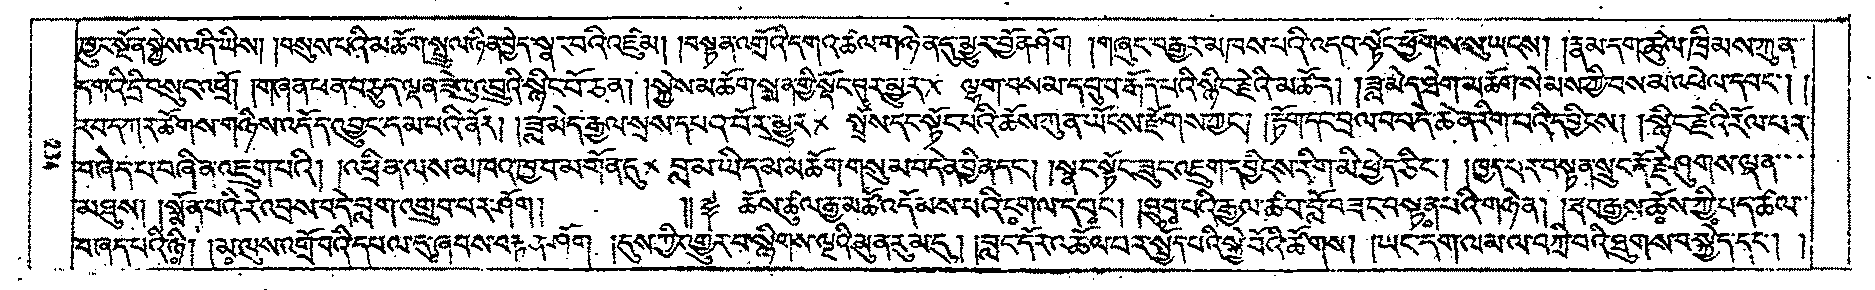ཁྱུང་སྔོན་སྐྱེས་འདི་ཡིས། །བསུས་པའི་མཆོག་སྤྲུལ་ཉིན་བྱེད་སྣང་བའི་འཛུམ། །བསྟན་འགྲོའི་དགའ་ཚལ་གཉེན་དུ་མྱུར་བྱོན་ཤོག །གཞུང་བརྒྱར་མཁས་པའི་འདབ་སྟོང་ཕྱོགས་སུ་ཡངས། །རྣམ་དག་ཚུལ་ཁྲིམས་ཀུན་
དགའི་དྲི་བསུང་འཕྲོ། །གཞན་ཕན་བཅུད་ལྡན་ཟེའུ་འབྲུའི་སྙིང་པོ་ཅན། །སྐྱེས་མཆོག་སྨན་གྱི་སྡོང་བུར་མྱུར་྾་ལྷག་བསམ་དབུ་བ་རྒོད་པའི་སྙིང་རྗེའི་མཚོར། །ཟླ་མེད་ཐེག་མཆོག་སེམས་ཀྱི་བསམ་འཕེལ་དབང་། །
རབ་དཀར་ཚོགས་གཉིས་འདོད་འབྱུང་དམ་པའི་ནོར། །ཟླ་མེད་རྒྱལ་སྲས་དཔའ་བོར་མྱུར་྾་སྤྲོས་དང་སྟོང་པའི་ཆོས་ཀུན་ཡོངས་རྫོགས་ཀྱང་། །རྟོག་དང་བྲལ་བ་བདེ་ཆེན་རིག་པའི་དབྱིངས། །སྙིང་རྗེའི་རོལ་པར་
བཞེད་པ་བཞིན་འཇུག་པའི། །འཕྲིན་ལས་མཁའ་ཁྱབ་མགོན་དུ་྾་བླ་མ་ཡི་དམ་མཆོག་གསུམ་བདེན་བྱིན་དང་། །སྣང་སྟོང་ཟུང་འཇུག་དབྱིངས་རིག་མི་ཕྱེད་ཅིང་། །ཁྱད་པར་བསྟན་སྲུང་རྡོ་རྗེ་ཤུགས་ལྡན་
མཐུས། །སྨོན་པའི་རེ་འབྲས་བདེ་བླག་འགྲུབ་པར་ཤོག ། །། ༈ ཆོས་ཚུལ་རྒྱ་མཚོ་འདོམས་པའི་ངག྾་ལ་དབང྾། །ཐུབ྾་པའི་རྒྱལ་ཚབ་བློ་བཟང་བསྟན྾་པའི་གཉེན། །ཟབ་རྒྱས་ཆོས྾་ཀྱི྾་པད་ཚལ་
བཞད་པའི་ཉི྾། །མ྾་ལུས་འགྲོ་བའི་དཔལ་དུ་ཞབས་བརྟན་ཤོག །དུས་ཀྱི་འགྱུར་བ་སྙིགས་ལྔའི་མུན་རུམ་དུ། །བླང་དོར་འཆོལ་བར་སྤྱོད་པའི་སྐྱེ་བོའི་ཚོགས། །ཡང་དག་ལམ་ལ་བཀྲི་བའི་ཐུགས་བསྐྱེད་དང་། །